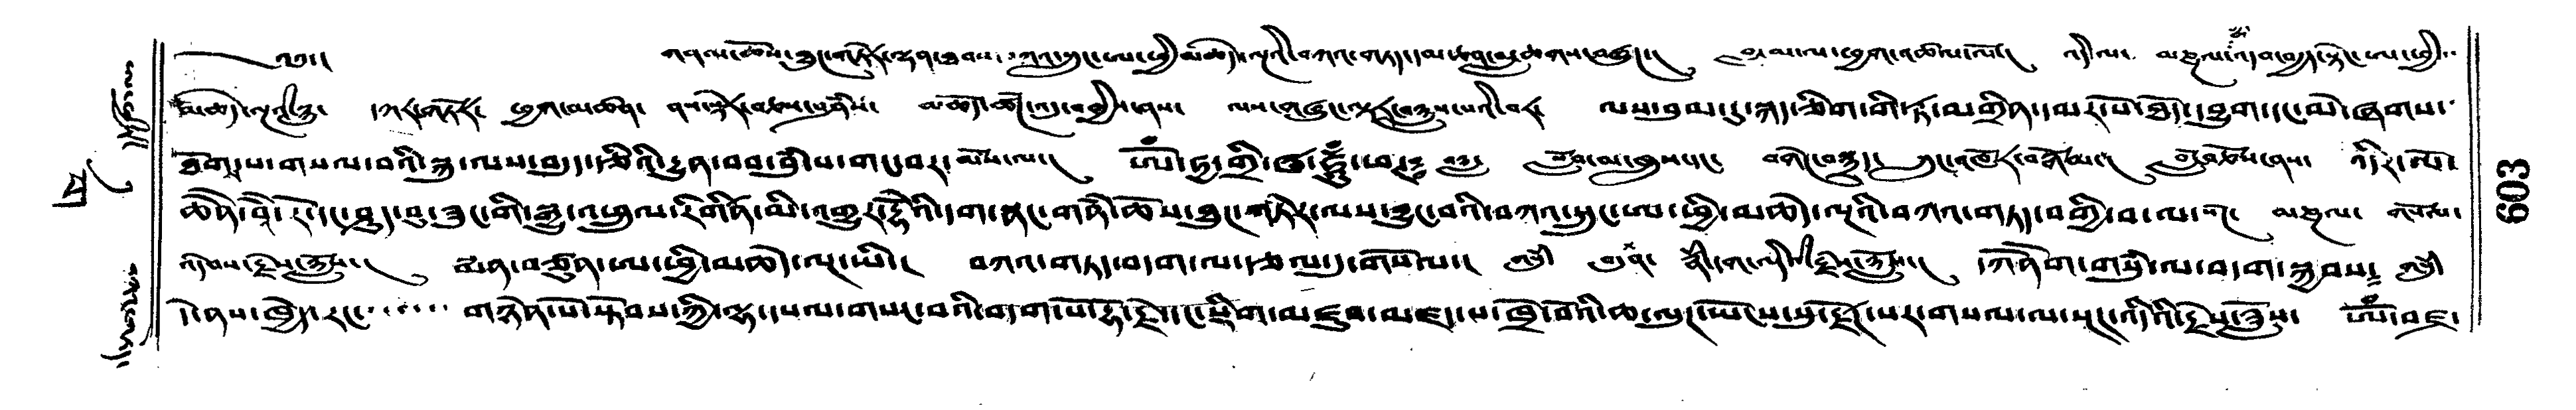༄༅། གནམ་ཆོས་ཐུགས་གཏེར་ལྷན་ཐབས་བཀའ་སྲུང་ཨ་ཕྱི་མཆེད་ལྔའི་བཀའ་གཏད་དམ་ཅན་བླ་ཆགས་བཞུགས། བླ་མ་ལ་ཕྱག་འཚལ་ལོ། འདི་ལ་མཎྜལ་པདྨ་འདབ་བརྒྱད་སྟེང་ཨ་ཕྱི་
མཆེད་ལྔའི་སྐུ། དཀར་གཏོར། ཕྱག་མཚན། ནས་སྡེར་བཅས་བཤམ། མཆོད་ཚོགས་འདུ་བགྱིས་ནས། ལས་གཞུང་ལྟར་བཟླས་པའི་བར། ལས་བུམ་དུ་སྐད་ཅིག་གི་རྟ་མགྲིན་དམར་པོ་ཐོད་དབྱུག་དང་མེ་ཞགས་
ཐོགས་པ་གསལ་བའི་སྐུ་ལས་བདུད་རྩིའི་རྒྱུན་བབས་བུམ་པ་གང་བར་མོས་ལ ། ཨོཾ་ཧྱ་གྲི་ཝ་ཧཱུྃ་ཕཊཿ བཟླ། སློབ་མ་ཁྲུས་དང་། བགེགས་བསྐྲད། སྲུང་འཁོར་བསྒོམ། བློ་བཅོས་ནས། འདིར་ལོ་
ཆེན་པོ་བཱཻ་རོ་དང་ཤུད་བུ་ཟུང་གི་སྒྱུ་འཕྲུལ་རིག་འཛིན་མི་འགྱུར་རྡོ་རྗེའི་དག་སྣང་གནམ་ཆོས་ཐུགས་གཏེར་ལས་བྱུང་བའི་བཀའ་སྲུང་ཨ་ཕྱི་མཆེད་ལྔའི་བཀའ་གཏད་བགྱི་བ་ལ་སོགས། མཎྜལ། གསོལ་
འདེབས་རྗེས་ཟློས། སྨན་བཙུན་ཨ་ཕྱི་མཆེད་ལྔ་ཡི། །བཀའ་གཏད་བདག་ལ་བསྩལ་དུ་གསོལ། གསུམ་མམ་བདུན། རྣམ་དག་འདིའི་རྗེས་ཟློས། དཀོན་མཆོག་གསུམ་ལ་བདག་སྐྱབས༴ ལན་གསུམ། 
དེ་ནས་ཁྱེད་རང་རྣམས་གཉེན་པོ་སྟོབས་ཀྱི་ལྷ་དཔལ་གསང་བའི་བདག་པོ་རྡོ་རྗེ་དང་སྡིག་མཛུབ་མཛད་པ་ཁྲོ་བོའི་ཆ་ལུགས་ཡོངས་སུ་རྫོགས་པར་གསལ་ལ་སྔགས་འདིའི་རྗེས་ཟློས། ཨོཾ་བཛྲ་